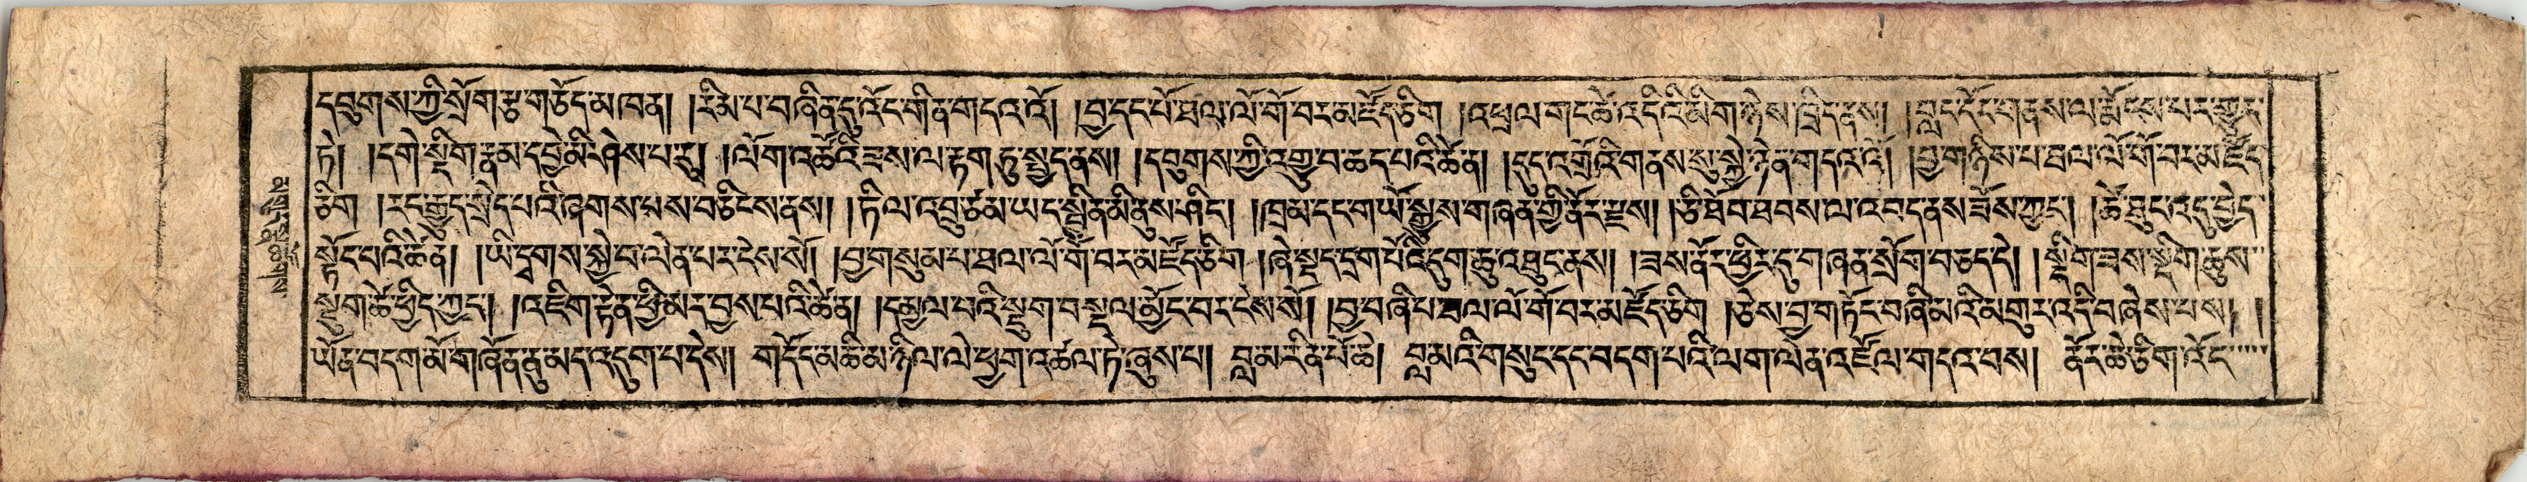དབུགས་ཀྱི་སྲོག་རྩ་གཅོད་མཁན། །རིམ་པ་བཞིན་དུ་འོང་གིན་གདའ་འོ། །བྱ་དང་པོ་ཐལ་ལོ་གོ་བར་མཛོད་ཅིག །འཕྲལ་གང་ཚེ་འདིའི་མིག་ཉེས་ཁྲིད་ནས། །བླང་དོར་གནས་ལ་རྨོངས་པར་གྱུར་
ཏེ། །དགེ་སྡིག་རྣམ་དབྱེ་མི་ཤེས་པ་རུ། །ལོག་འཚོའི་ཟས་ལ་རྟག་ཏུ་སྤྱད་ནས། །དབུགས་ཀྱི་འགྱུ་བ་ཆད་པའི་ཚེ་ན། །དུད་འགྲོའི་གནས་སུ་སྐྱེ་ཉེན་གདའ་འོ། །བྱ་གཉིས་པ་ཐལ་ལོ་ཤེས་པར་མཛོད་
ཅིག །རང་རྒྱུད་སྲེད་པའི་ཞགས་པས་བཅིངས་ནས། །ཏིལ་འབྲུ་ཙམ་ཡང་སྦྱིན་མི་ནུས་ཤིང་། །ཁྲམ་དང་གཡོ་སྒྱུས་གཞན་གྱི་ནོར་རྫས། །ཅི་ཐོབ་ཐབས་ལ་འབད་ནས་ཐོས་ཀྱང་། །ཚེ་ཐུང་འདུ་བྱེད་
སྟོང་པའི་ཚེ་ན། །ཡི་དྭགས་སྐྱེ་བ་ལེན་པར་ངེས་སོ། །བྱ་གསུམ་པ་ཐལ་ལོ་གོ་བར་མཛོད་ཅིག །ཞེ་སྡང་དྲག་པོའི་དུག་ཆུ་འཐུང་ནས། །ཟས་ནོར་ཕྱིར་དུ་གཞན་སྲོག་བཅད་དེ། །སྡིག་ཟས་སྡིག་ཆུས་
སྡུག་ཚེ་ཕྱིད་ཀྱང་། །འཇིག་རྟེན་ཕྱི་མར་བྱས་པའི་ཚེ་ན། །དམྱལ་བའི་སྡུག་བསྔལ་མྱོང་བར་ངེས་སོ། །བྱ་བཞི་པ་ཐལ་ལོ་གོ་བར་མཛོད་ཅིག །ཅེས་བྱ་གཏོང་བཞི་མའི་མགུར་འདི་བཞེས་པས། 
ཡོན་བདག་མོ་གཞོན་ནུ་མར་འདུག་པ་དེས། གདོང་མཆི་མ་ཆིལ་ལེ་ཕྱག་འཚལ་ཏེ་ཞུས་པ། བླ་མ་རིན་པོ་ཆེ། བླ་མའི་གསུང་དང་བདག་པའི་ལག་ལེན་འཛོལ་གདའ་བས། ནོར་ཆེ་ཅིག་འོང་